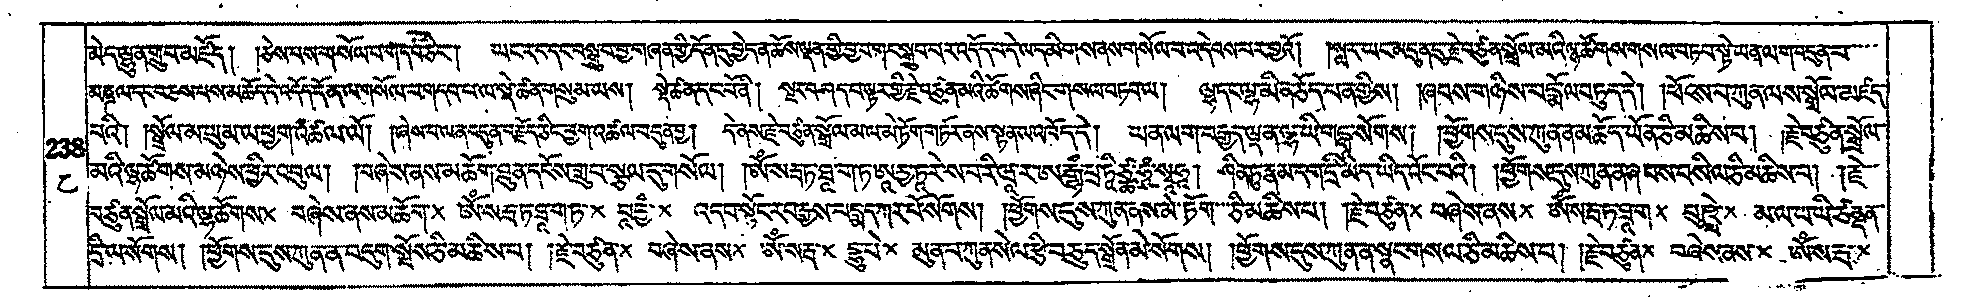མེད་ལྷུན་གྲུབ་མཛོད། །ཅེས་པས་གསོལ་བ་གདབ་ཅིང་། ཡང་རང་དང་བསྒྲུབ་བྱ་གཞན་གྱི་དོན་དུ་བྱེད་ན་ཆོས་ལྡན་གྱི་བྱ་བ་གང་སྒྲུབ་པར་འདོད་པ་དེ་ལ་དམིགས་ནས་གསོལ་བ་འདེབས་པར་བྱའོ། །སླར་ཡང་མདུན་དུ་རྗེ་བཙུན་སྒྲོལ་མའི་ལྷ་ཚོགས་གསལ་བཏབ་སྟེ་ཡན་ལག་བདུན་པ་་་
མཎྜལ་དང་བཅས་པས་མཆོད་དེ་འདོད་དོན་ལ་གསོལ་བ་གདབ་པ་ལ་སྡེ་ཚན་གསུམ་ལས། སྡེ་ཚན་དང་པོ་ནི། སྔར་བཤད་པ་ལྟར་གྱི་རྗེ་བཙུན་མའི་ཚོགས་ཞིང་གསལ་བཏབ་ལ། ལྷ་དང་ལྷ་མིན་ཅོད་པན་གྱིས། །ཞབས་གཉིས་པདམོ་ལ་བཏུད་དེ། །ཕོངས་པ་ཀུན་ལས་སྒྲོལ་མཛད་
པའི། །སྒྲོལ་མ་ཡུམ་ལ་ཕྱག་འཚལ་ལོ། །ཞེས་པ་ལན་བདུན་བརྗོད་ཅིང་ཕྱག་འཚལ་བདུན་བྱ། དེ་ནས་རྗེ་བཙུན་སྒྲོལ་མ་ལ་མེ་ཏོག་གཏོར་ནས་སྟན་ལ་འཁོད་དེ།  ཡན་ལག་བརྒྱད་ལྡན་ལྷ་ཡི་གངྒཱ་སོགས། །ཕྱོགས་དུས་ཀུན་ན་མཆོད་ཡོན་ཅི་མཆིས་པ། །རྗེ་བཙུན་སྒྲོལ་་་
མའི་ལྷ་ཚོགས་མཉེས་ཕྱིར་འབུལ། །བཞེས་ནས་མཆོག་ཐུན་དངོས་གྲུབ་སྩལ་དུ་གསོ། །ཨོཾ་སརྦ་ཏ་ཐཱ་ག་ཏ་ཨཱརྒྱ་ཏཱ་རེ་ས་པ་རི་ཝཱར་ཨརྒྷཾ་པྲ་ཏཱིཙྪ་ཧཱུཾ་སྭཱཧཱ། ཤིན་ཏུ་རྣམ་དག་དྲི་མེད་ཡིད་འོང་བའི། །ཕྱོགས་དུས་ཀུན་ན་ཞབས་བསིལ་ཅི་མཆིས་པ། །རྗེ་་་
བཙུན་སྒྲོལ་མའི་ལྷ་ཚོགས་྾་བཞེས་ནས་མཆོག་྾་ཨོཾ་སརྦ་ཏ་ཐཱ་ག་ཏ་྾་པཱདྱཾ་྾་འདབ་སྟོང་རབ་རྒྱས་པདམ་དཀར་པོ་སོགས། །ཕྱོགས་དུས་ཀུན་ནས་མེ་ཏོག་་་ཅི་མཆིས་པ། །རྗེ་བཙུན་྾་བཞེས་ནས་྾་ཨོཾ་སརྦ་ཏ་ཐཱ་ག་྾་པུཥྤེ་྾་མ་ལ་ཡ་ཡི་ཙནྡན་་་
དྲི་ལ་སོགས། །ཕྱོགས་དུས་ཀུན་ན་བདུག་སྤོས་ཅི་མཆིས་པ། །རྗེ་བཙུན་྾་བཞེས་ནས་྾་ཨོཾ་སརྦ་྾་དྷུ་པེ་྾་མུན་པ་ཀུན་སེལ་རྩི་བཅུད་སྒྲོན་མེ་སོགས། །ཕྱོགས་དུས་ཀུན་ན་སྣང་གསལ་ཅི་མཆིས་པ། །རྗེ་བཙུན་྾་བཞེས་ནས་྾་ཨོཾ་སརྦ་྾་